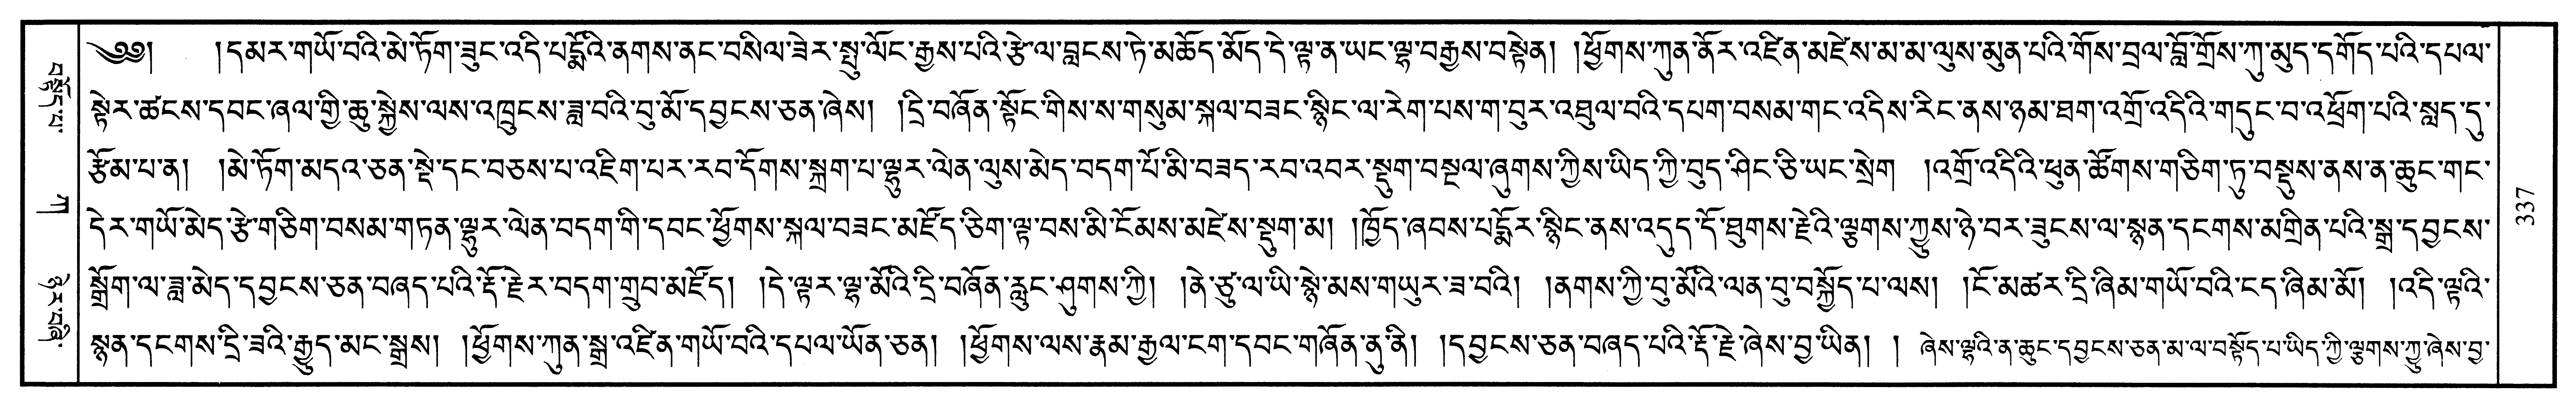༄༅། །དམར་གཡོ་བའི་མེ་ཏོག་ཟུང་འདི་པདམོའི་ནགས་ནང་བསིལ་ཟེར་སྤུ་ལོང་རྒྱས་པའི་རྩེ་ལ་བླངས་ཏེ་མཆོད་མོད་དེ་ལྟ་ན་ཡང་ལྷ་བརྒྱས་བསྟེན། །ཕྱོགས་ཀུན་ནོར་འཛིན་མཛེས་མ་མ་ལུས་མུན་པའི་གོས་བྲལ་བློ་གྲོས་ཀུ་མུད་དགོད་པའི་དཔལ་
སྟེར་ཚངས་དབང་ཞལ་གྱི་ཆུ་སྐྱེས་ལས་འཁྲུངས་ཟླ་བའི་བུ་མོ་དབྱངས་ཅན་ཞེས། །དྲི་བཞོན་སྟོང་གིས་ས་གསུམ་སྐལ་བཟང་སྙིང་ལ་རེག་པས་ག་བུར་འཐུལ་བའི་དཔག་བསམ་གང་འདིས་རིང་ནས་ཉམ་ཐག་འགྲོ་འདིའི་གདུང་བ་འཕྲོག་པའི་སླད་དུ་
རྩོམ་པ་ན། །མེ་ཏོག་མདའ་ཅན་སྡེ་དང་བཅས་པ་འཇིག་པར་རབ་དོགས་སྐྲག་པ་ལྷུར་ལེན་ལུས་མེད་བདག་པོ་མི་བཟད་རབ་འབར་སྡུག་བསྔལ་ཞུགས་ཀྱིས་ཡིད་ཀྱི་བུད་ཤིང་ཅི་ཡང་སྲེག །འགྲོ་འདིའི་ཕུན་ཚོགས་གཅིག་ཏུ་བསྡུས་ནས་ན་ཆུང་གང་
དེར་གཡོ་མེད་རྩེ་གཅིག་བསམ་གཏན་ལྷུར་ལེན་བདག་གི་དབང་ཕྱོགས་སྐལ་བཟང་མཛོད་ཅིག་ལྟ་བས་མི་ངོམས་མཛེས་སྡུག་མ། །ཁྱོད་ཞབས་པདམོར་སྙིང་ནས་འདུད་དོ་ཐུགས་རྗེའི་ལྕགས་ཀྱུས་ཉེ་བར་ཟུངས་ལ་སྙན་དངགས་མགྲིན་པའི་སྒྲ་དབྱངས་
སྒྲོག་ལ་ཟླ་མེད་དབྱངས་ཅན་བཞད་པའི་རྡོ་རྗེར་བདག་གྲུབ་མཛོད། །དེ་ལྟར་ལྷ་མོའི་དྲི་བཞོན་རླུང་ཤུགས་ཀྱི། །ནེ་ཙུ་ལ་ཡི་སྙེ་མས་གཡུར་ཟ་བའི། །ནགས་ཀྱི་བུ་མོའི་ལན་བུ་བསྐྱོད་པ་ལས། །ངོ་མཚར་དྲི་ཞིམ་གཡོ་བའི་ངད་ཞིམ་མོ། །འདི་ལྟའི་
སྙན་དངགས་དྲི་ཟའི་རྒྱུད་མང་སྒྲས། །ཕྱོགས་ཀུན་སྒྲ་འཛིན་གཡོ་བའི་དཔལ་ཡོན་ཅན། །ཕྱོགས་ལས་རྣམ་རྒྱལ་ངག་དབང་གཞོན་ནུ་ནི། །དབྱངས་ཅན་བཞད་པའི་རྡོ་རྗེ་ཞེས་བྱ་ཡིན། །ཞེས་ལྷའི་ན་ཆུང་དབྱངས་ཅན་མ་ལ་བསྟོད་པ་ཡིད་ཀྱི་ལྕགས་ཀྱུ་ཞེས་བྱ་